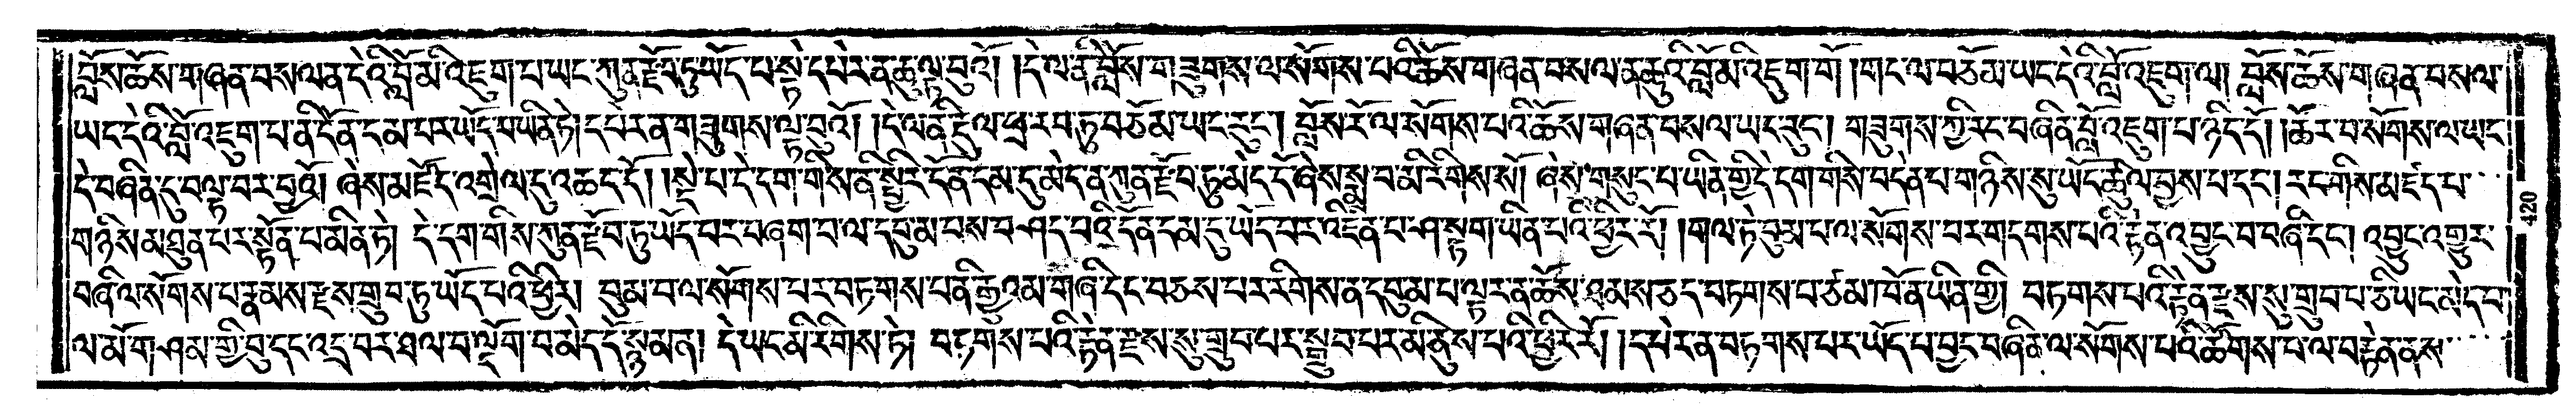བློས་ཆོས་གཞན་བསལ་ན་དེའི་བློ་མི་འཇུག་པ་ཡང་ཀུན་རྫོབ་ཏུ་ཡོད་པ་སྟེ་དཔེར་ན་ཆུ་ལྟ་བུའོ། །དེ་ལ་ནི་བློས་གཟུགས་ལ་སོགས་པའི་ཆོས་གཞན་བསལ་ན་ཆུའི་བློ་མི་འཇུག་གོ །གང་ལ་བཅོམ་ཡང་དེའི་བློ་འཇུག་ལ། བློས་ཆོས་གཞན་བསལ་
ཡང་དེའི་བློ་འཇུག་པ་ནི་དོན་དམ་པར་ཡོད་པ་ཡིན་ཏེ། དཔེར་ན་གཟུགས་ལྟ་བུའོ། །དེ་ལ་ནི་རྡུལ་ཕྲ་རབ་ཏུ་བཅོམ་ཡང་རུང་། བློས་རོ་ལ་སོགས་པའི་ཆོས་གཞན་བསལ་ཡང་རུང་། གཟུགས་ཀྱི་རང་བཞིན་བློ་འཇུག་པ་ཉིད་དོ། །ཚོར་བ་སོགས་ལ་ཡང་
དེ་བཞིན་དུ་བལྟ་བར་བྱའོ། ཞེས་མཛོད་འགྲེལ་དུ་འཆད་དོ། །སྡེ་པ་དེ་དག་གིས་ནི་སྤྱིར་དོན་དམ་དུ་མེད་ན་ཀུན་རྫོབ་ཏུ་མེད་དོ་ཞེས་སྨྲ་བ་མི་རིགས་སོ། ཞེས་གསུང་པ་ཡིན་གྱི་དེ་དག་གིས་བདེན་པ་གཉིས་སུ་ཡོད་ཚུལ་བྱས་པ་དང་། རང་གིས་མཛད་པ་
གཉིས་མཐུན་པར་སྟོན་པ་མིན་ཏེ། དེ་དག་གིས་ཀུན་རྫོབ་ཏུ་ཡོད་པར་བཞག་པ་ལ་དབུ་མ་པས་བཤད་པའི་དོན་དམ་དུ་ཡོད་པར་འཛིན་པ་ཤ་སྟག་ཡིན་པའི་ཕྱིར་རོ། །གལ་ཏེ་བུམ་པ་ལ་སོགས་པར་གདགས་པའི་རྟེན་འབྱུང་བ་བཞི་དང་། འབྱུང་འགྱུར་
བཞི་ལ་སོགས་པ་རྣམས་རྫས་གྲུབ་ཏུ་ཡོད་པའི་ཕྱིར། བུམ་པ་ལ་སོགས་པར་བཏགས་པ་ནི་རྒྱུ་འམ་གཞི་དང་བཅས་པར་རིགས་ན་དབུ་མ་པ་ལྟར་ན་ཆོས་ཐམས་ཅད་བཏགས་པ་ཙམ་ཁོ་ན་ཡིན་གྱི། བཏགས་པའི་རྟེན་རྫས་སུ་གྲུབ་པ་ཅི་ཡང་མེད་པ་
ལ་མོ་གཤམ་གྱི་བུ་དང་འདྲ་བར་ཐལ་བ་ལྡོག་པ་མེད་དོ་སྙམ་ན། དེ་ཡང་མི་རིགས་ཏེ། བཏགས་པའི་རྟེན་རྫས་སུ་གྲུབ་པར་སྒྲུབ་པར་མི་ནུས་པའི་ཕྱིར་རོ། །དཔེར་ན་བཏགས་པར་ཡོད་པ་བྱད་བཞིན་ལ་སོགས་པའི་ཚོགས་པ་ལ་བརྟེན་ནས་